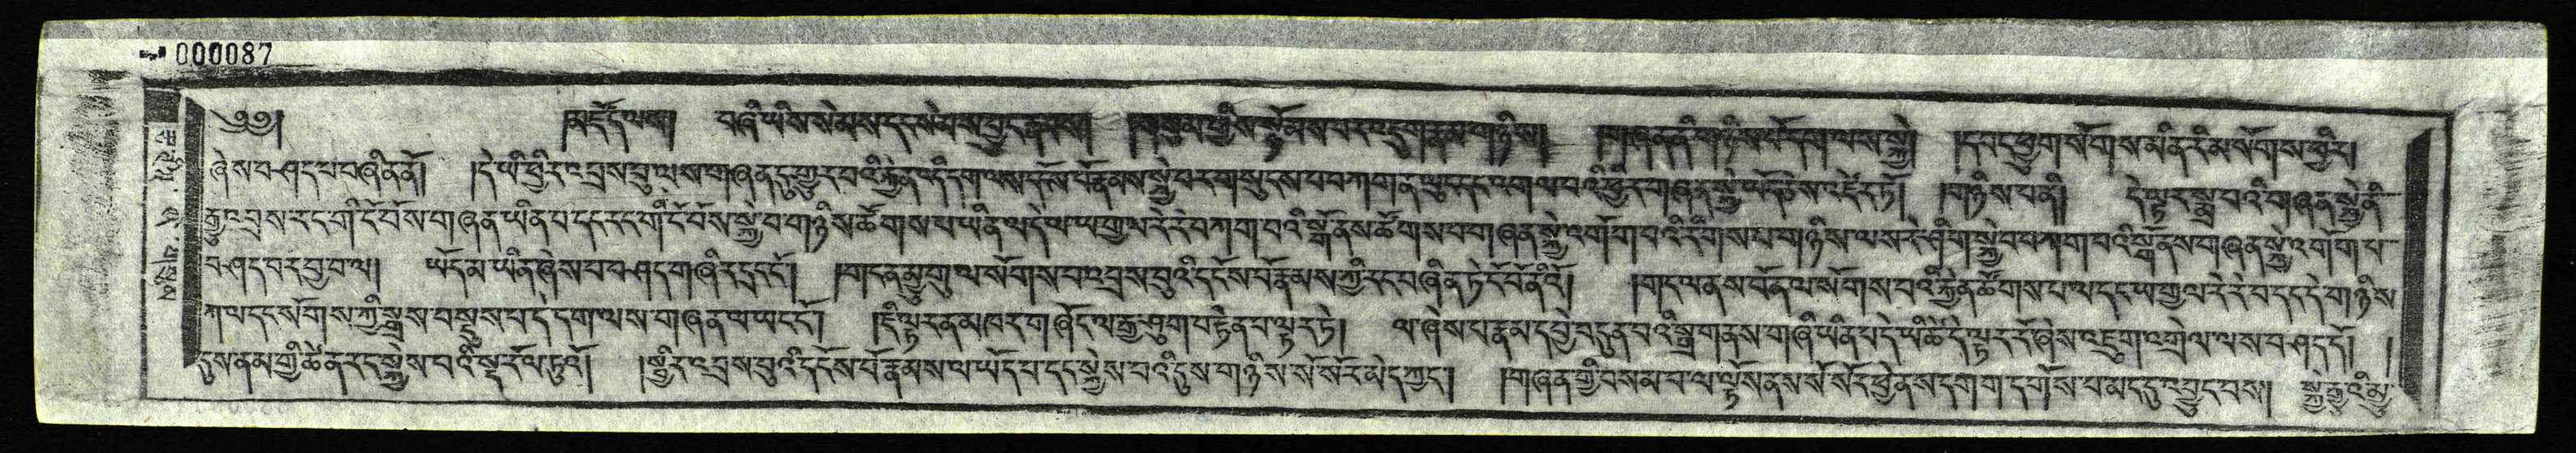༄༅། །མཛོད་ལས། བཞི་ཡིས་སེམས་དང་སེམས་བྱུང་རྣམས། །གསུམ་གྱིས་སྙོམས་པར་འཇུག་རྣམ་གཉིས། །གཞན་ནི་གཉིས་པོ་དག་ལས་སྐྱེ། །དབང་ཕྱུག་སོགས་མིན་རིམ་སོགས་ཕྱིར།
ཞེས་བཤད་པ་བཞིན་ནོ། །དེ་ཡི་ཕྱིར་འབྲས་བུ་ལས་གཞན་དུ་གྱུར་བའི་རྐྱེན་འདི་དག་ལས་དངོས་པོ་རྣམས་སྐྱེ་བར་གསུངས་པ་བཀག་ན་ལུང་དང་འགལ་བའི་ཕྱིར་གཞན་སྐྱེ་ཡོད་ཅེས་འཛིན་ཏོ། །གཉིས་པ་ནི། དེ་ལྟར་སྨྲ་བའི་གཞན་སྐྱེ་ནི་
རྒྱུ་འབྲས་རང་གི་ངོ་བོས་གཞན་ཡིན་པ་དང་རང་གི་ངོ་བོས་སྐྱེ་བ་གཉིས་ཚོགས་པ་ཡིན་ལ་ཡ་གྱལ་རེ་རེ་བཀག་པའི་སྒོ་ནས་ཚོགས་པ་གཞན་སྐྱེ་འགོག་པའི་རིགས་པ་གཉིས་ལས་རེ་ཤིག་སྐྱེ་བ་བཀག་པའི་སྒོ་ནས་གཞན་སྐྱེ་འགོག་པ་
བཤད་བར་བྱ་བ་ལ། ཡོད་མ་ཡིན་ཞེས་པ་བཤད་གཞིར་དྲང་ངོ། །གང་ན་མྱུ་གུ་ལ་སོགས་པ་འབྲས་བུའི་དངོས་པོ་རྣམས་ཀྱི་རང་བཞིན་ཏེ་ངོ་བོ་ནིའོ། །གང་ལ་ན་ས་བོན་ལ་སོགས་པའི་རྐྱེན་ཚོགས་པ་ལ་དང་ཡ་གྱལ་རེ་རེ་བ་དང་དེ་གཉིས་
ཀ་ལ་དང་སོགས་ཀྱི་སྒྲས་བསྡུས་པ་དེ་དག་ལས་གཞན་ཡང་ངོ། །ཇི་ལྟར་ན་མཁར་གཞོང་ལ་རྒྱ་ཤུག་བ་རྟེན་པ་ལྟར་ཏེ། ལ་ཞེས་པ་རྣམ་དབྱེ་བདུན་པའི་སྒྲ་གནས་གཞི་ཡིན་པ་དེ་ཡི་ཚེ་དེ་ལྟར་རོ་ཞེས་འཇུག་འགྲེལ་ལས་བཤད་དོ། །
དུས་ནམ་གྱི་ཚེ་ན་རང་སྐྱེས་བའི་སྔ་རོལ་ཏུའོ། །སྤྱིར་འབྲས་བུའི་དངོས་པོ་རྣམས་ལ་ཡོད་པ་དང་སྐྱེས་པའི་དུས་གཉིས་སོ་སོར་མེད་ཀྱང་། །གཞན་གྱི་བསམ་པ་ལ་ལྟོས་ནས་སོ་སོར་ཕྱེ་ནས་དགག་དགོས་པ་མང་དུ་འབྱུང་བས། སྐྱེ་རྒྱུའི་མྱུ་